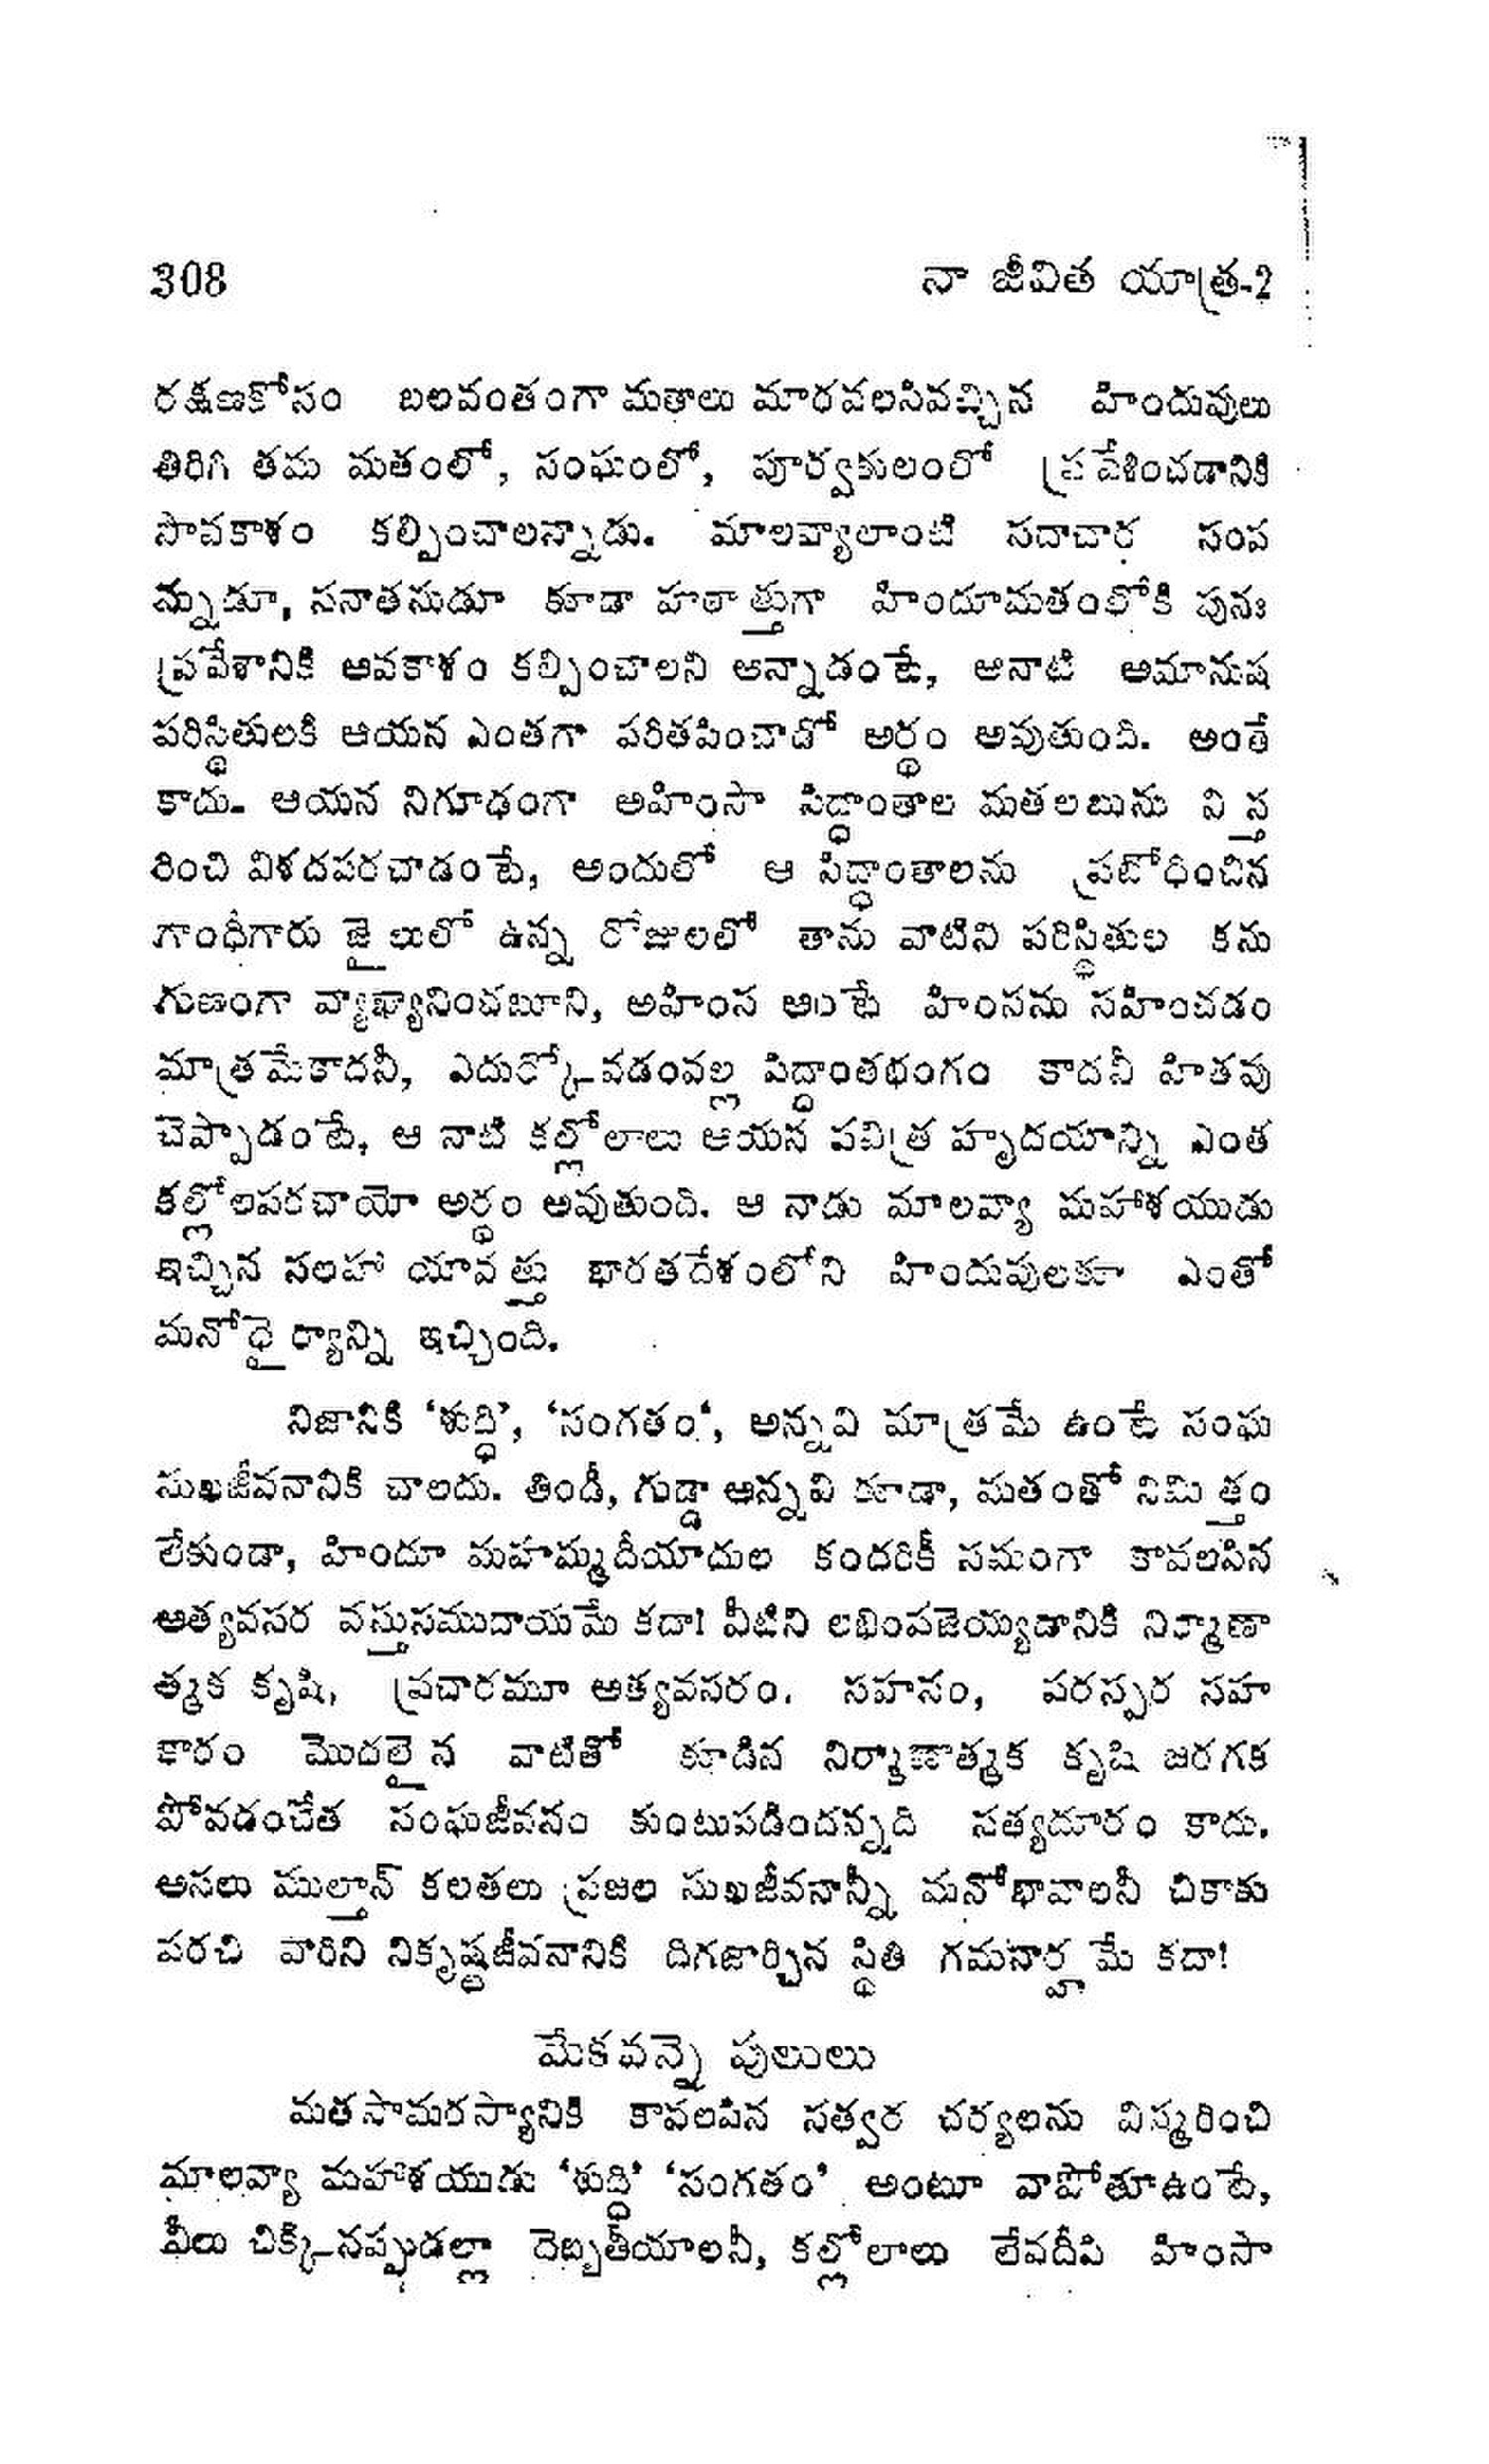రక్షణకోసం బలవంతంగా మతాలు మారవలసివచ్చిన హిందువులు తిరిగి తమ మతంలో, సంఘంలో, పూర్వకులంలో ప్రవేశించడానికి సావకాశం కల్పించాలన్నాడు. మాలవ్యాలాంటి సదాచార సంపన్నుడూ, సనాతనుడూ కూడా హఠాత్తుగా హిందూమతంలోకి పున:ప్రవేశానికి అవకాశం కల్పించాలని అన్నాడంటే, ఆ నాటి అమానుష పరిస్థితులకి ఆయన ఎంతగా పరితపించాడో అర్థం అవుతుంది. అంతే కాదు. ఆయన నిగూడంగా అహింసా సిద్దాంతాల మతలబును విస్తరించి విశదపరచాడంటే, అందులో ఆ సిద్ధాంతాలను ప్రబోధించిన గాంధీగారు జైలులో ఉన్న రోజులలో తాను వాటిని పరిస్థితుల కనుగుణంగా వ్యాఖ్యానించబూని, అహింస అంటే హింసను సహించడం మాత్రమేకాదనీ, ఎదుర్కోవడంవల్ల సిద్దాంతభంగం కాదనీ హితవు చెప్పాడంటే, ఆ నాటి కల్లోలాలు ఆయన పవిత్ర హృదయాన్ని ఎంత కల్లోలపరచాయో అర్థం అవుతుంది. ఆనాడు మాలవ్యా మహాశయుడు ఇచ్చిన సలహా యావత్తు భారతదేశంలోని హిందువులకూ ఎంతో మనోధైర్యాన్ని ఇచ్చింది.

నిజానికి "శుద్ధి", "సంగతం" అన్నవి మాత్రమే ఉంటే సంఘ సుఖజీవనానికి చాలదు. తిండీ, గుడ్డా అన్నవి కూడా, మతంతో నిమిత్తం లేకుండా, హిందూ మహమ్మదీయాదుల కందరికీ సమంగా కావలసిన అత్యవసర వస్తుసముదాయమే కదా! వీటిని లభింపజేయడానికి నిర్మాణాత్మక కృషి, ప్రచారమూ అత్యవసరం. సహనం, పరస్పర సహకారం మొదలైన వాటితో కూడిన నిర్మాణాత్మక కృషి జరగక పోవడంచేత సంఘజీవనం కుంటుపడిందన్నది సత్యదూరం కాదు. అసలు ముల్తాన్ కలతలు ప్రజల సుఖజీవనాన్నీ మనోభావాలనీ చికాకుపరచి వారిని నికృష్టజీవనానికి దిగజార్చిన స్థితి గమనార్హమే కదా!

మతసామరస్యానికి కావలసిన సత్వర చర్యలను విస్మరించి మాలవ్యా మహాశయుడు "శుద్ది" "సంగతం" అంటూ వాపోతూఉంటే, వీలు చిక్కినప్పుడల్లా దెబ్బతీయాలనీ, కల్లోలాలు లేవదీసి హింసా